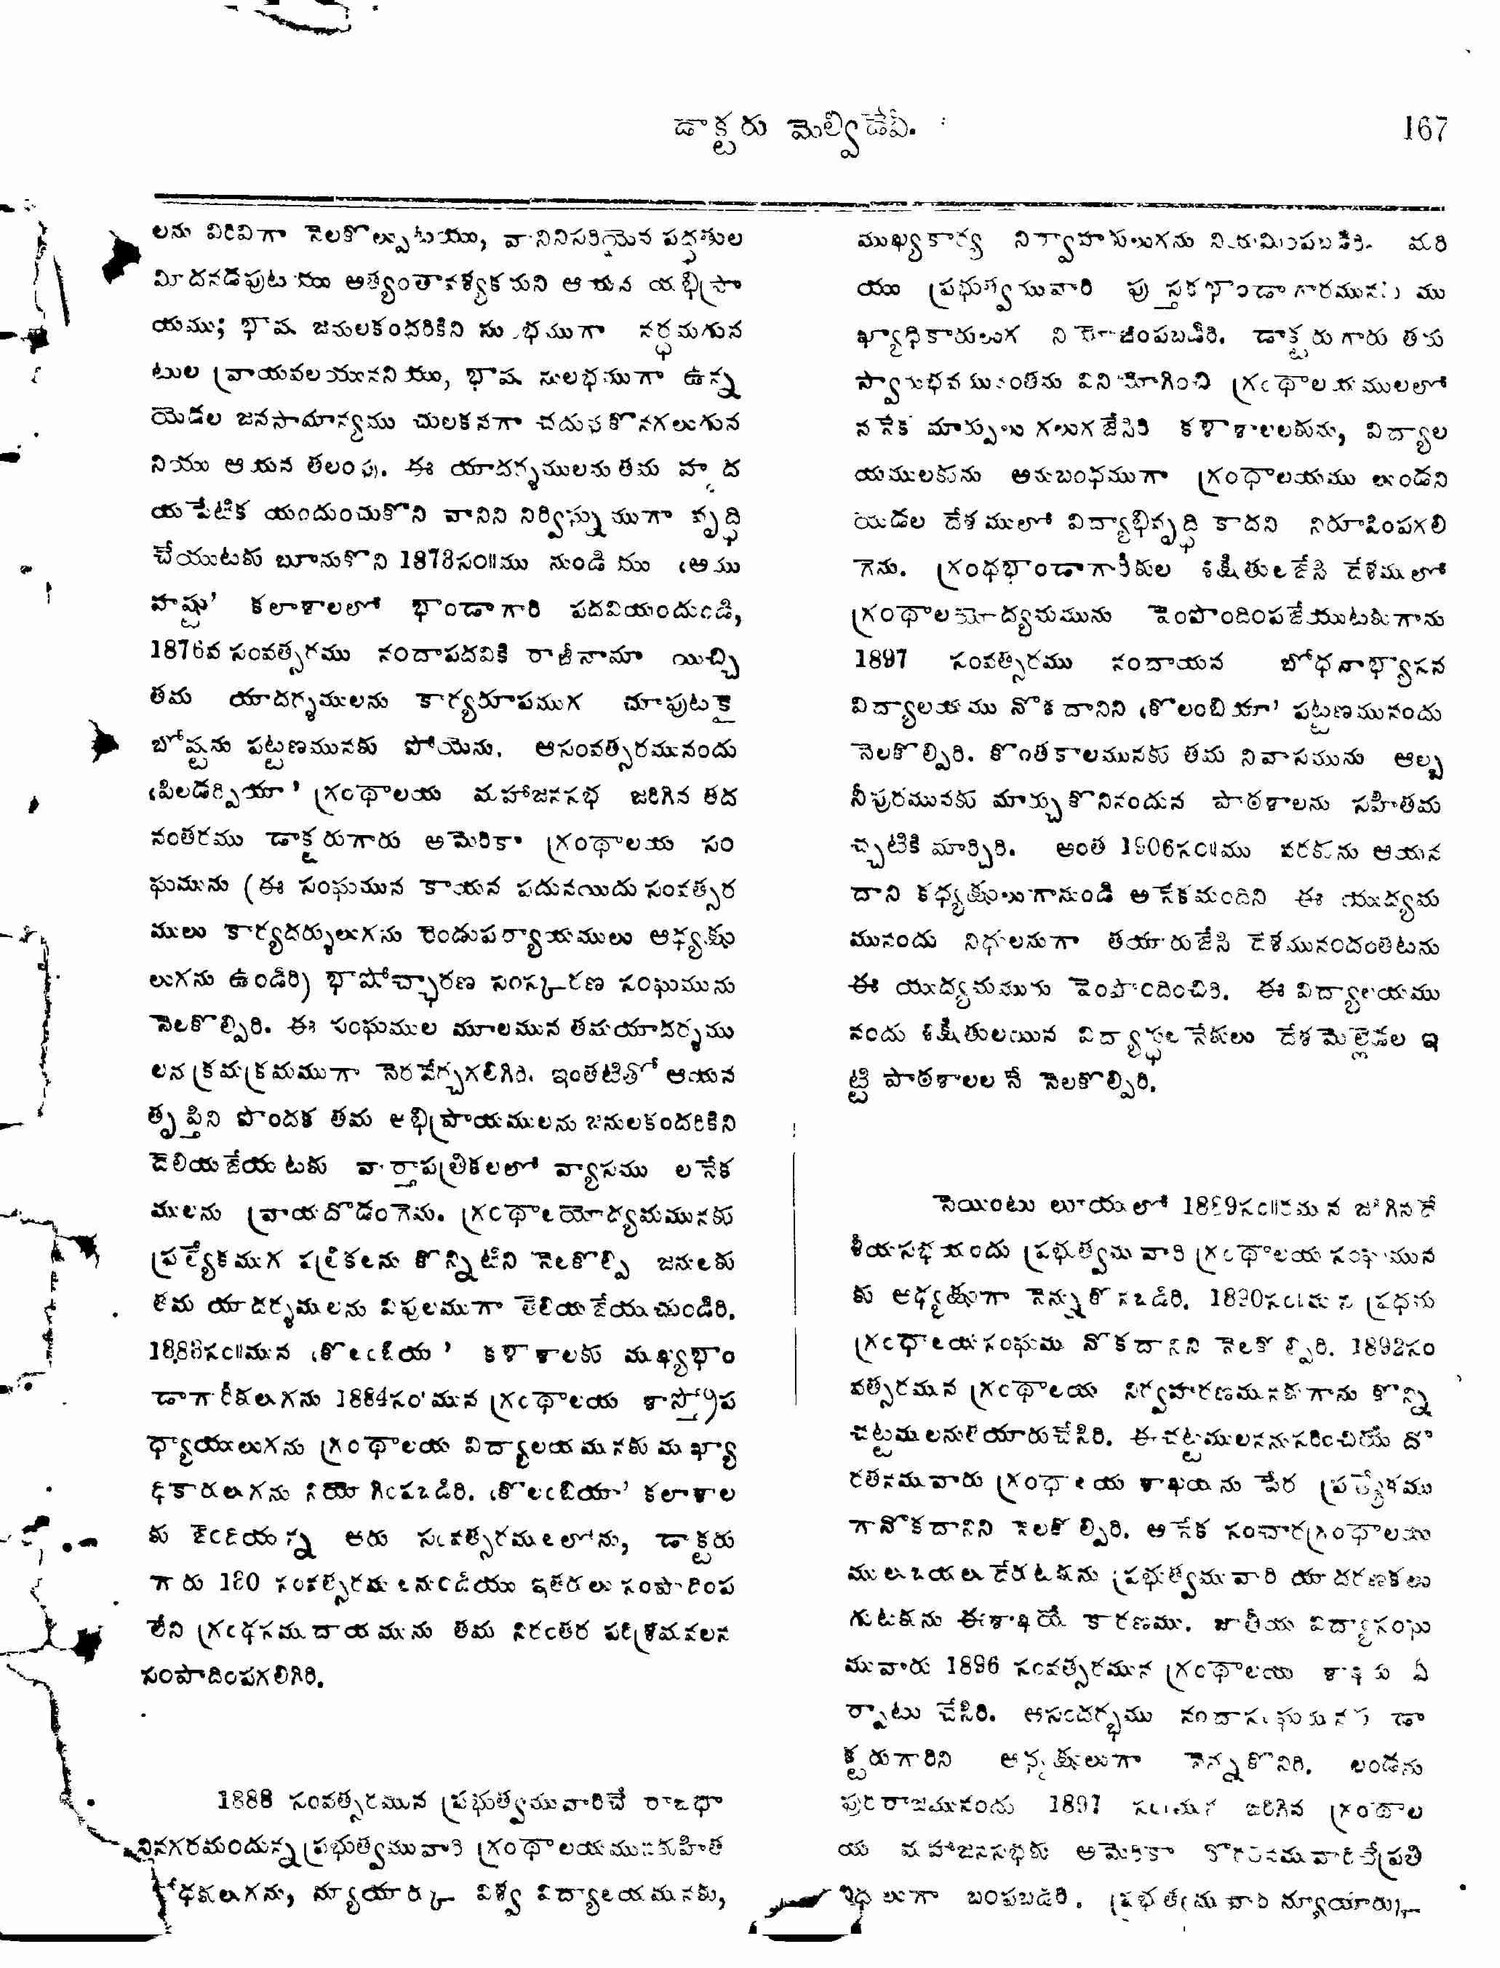లను విరివిగా నెలకొల్పుటయు, వానిని సరియైన పద్ధతుల మీద నడపుటయు అత్యంతావశ్యకమని ఆయన యభిప్రాయము; భాష జనులకందరికిని సులభముగా నర్ధమగునటుల వ్రాయవలయుననియు, భాష సులభముగా ఉన్న యెడల జనసామాన్యము చులకనగా చదువు కొనగలుగుననియు ఆయన తలంపు. ఈ యాదర్శములను తమ హృదయ పేటిక యందుంచుకొని వానిని నిర్విస్నుముగా వృద్ధి చేయుటకు బూనుకొని 1878సం॥ము నుండి 'అముహష్టు' కళాశాలలో భాండాగారి పదవియందుండి, 1876వ సంవత్సరమునందాపదవికి రాజీనామా యిచ్చి తమ యాదర్శములను కార్యరూపముగ చూపుటకై బోష్టను పట్టణమునకు పోయెను, ఆసంవత్సరమునందు (పిలడర్పియా ' గ్రంథాలయ మహాజనసభ జరిగిన తదనంతరము డాక్టరుగారు అమెరికా గ్రంథాలయ సంఘమును (ఈ సంఘమున కాయన పదునయిదు సంవత్సరములు కార్యదర్శులుగను రెండు పర్యాయములు అధ్యక్షులుగను ఉండిరి) భాషోచ్ఛారణ సంస్కరణ సంఘమును నెలకొల్పిరి. ఈ సంఘముల మూలమున తమ యాదర్శములును క్రమక్రమముగా నెరవేర్చగలిగిరి. ఇంతటితో ఆయన తృప్తిని పొందక తమ అభిప్రాయములను జనులకందరికిని దెలియ జేయటకు వార్తాపత్రికలలో వ్యాసము లనేకములను వ్రాయదొడంగెను. గ్రంథాలయోద్యమమునకు ప్రత్యేకముగ పత్రికలను కొన్నిటిని నెలకొల్పి జనులకు తమ యాదర్శములను విపులముగా తెలియజేయచుండిరి. 1883సం౹౹ కొలంబియా కళాశాలకు ముఖ్య భాండాగారీకులుగను 1884సం'మున గ్రంథాలయ శాస్త్రోపధ్యాయులుగను గ్రంథాలయ విద్యాలయమునకు ముఖ్యాధికారులుగను నయోగింపబడిరి. కొలఁబియా' కళాశాలకు జెందియున్న ఆరు సంవత్సరములలోను, డాక్టరుగారు 180 సంవత్సరమునుండియు ఇతరులు సంపాదింప
లేని గ్రంధసముదాయమును తమ నిరంతర పరిశ్రమవలన సంపాదింపగలిగిరి.

1888 సంవత్సరమున ప్రభుత్వమువారిచే రాజధాని నగరమందున్న ప్రభుత్వము వారి గ్రంథాలయమునకుహిత బోధకులుగను, న్యూయార్కు విశ్వవిద్యాలయమునకు 
ముఖ్యకార్యనిర్వాహకులుగను నియమింపబడిరి.
మరియు ప్రభుత్వము వారి పుస్తకభాండాగారమునకు ముఖ్యాధికారులుగ నియోగింపబడిరి. డాక్టరు గారు తకు
స్వాభవముంతను వినియోగించి గ్రంథాలయములలో
ననేక మార్పులు గలుగ జేసిరి. కళాశాలలకును, విద్యాలయములకును అనుబంధముగా గ్రంధాలయములుండని యడల దేశములో విద్యాభివృద్ధి కాదని నిరూపింపగలిగెను. గ్రంధభాండాగారీకుల శిక్షితులజేసి దేశములో
గ్రంథాలయోద్యనుమును పెంపొందింపజేయుటకు గాను
1897 సంవత్సరము నందాయన బోధనాభ్యాసన
విద్యాలయమునొక దానిని 'కొలంబియా' పట్టణమునందు
నెలకొల్పిరి. కొంతకాలమునకు తమ నివాసమును ఆల్బనీ పురమునకు మార్చుకొనినందున పాఠశాలను సహితమచ్చటికి మార్చిరి.
అంత 1906ము వరకును ఆయన
దాని కధ్యక్షులుగానుండి అనేకమందిని ఈ యద్యమమునందు నిధులనుగా తయారుజేసి దేశము నందంతటను
ఈ యుద్యమమును పెంపొందించిరి. ఈ విద్యాలయము
నందు శిక్షితులయిన విద్యార్థలు నేతులు దేశమెల్లెడల ఇట్టి పాఠశాలలనే నెలకొల్పిరి.

సెంటు లూయూలో 1889 సం॥న జరిగిన దేశీయసభ యందు ప్రభుత్వము వారి గ్రంథాలయ సంఘమునకు ఆధ్యక్షుగానెన్నుకోబడిరి. 1890సం.న ప్రధమ గ్రంధాలయ సంఘము నొకదానిని నెలకొల్పిరి. 1892వ సంవత్సరమున గ్రంథాలయ నిర్వహరణమునకుగాను కొన్ని చట్టములను తయారుచేసిరి. ఈ చట్టములననుసరించియు దొరతనమువారు గ్రంధాలయ శాఖను పేర ప్రత్యేకముగా నొకదానిని నెలకొల్పిరి. అనేక సంచారగ్రంధాలయములు బయలు దేరటకును ప్రభుత్వము వారి యాదరణకులుగుటకను ఈశాఖయే కారణము. జాతీయ విద్యాసంఘమువారు 1896 సంవత్సరమున గ్రంథాలయ శాఖకు ఏర్పాటు చేసిరి. ఆసందర్భము నందా సంఘమునకు డాక్టరుగారిని అధ్యక్షులుగా నెన్నుకొనిరి, లండను పుర రాజము నందు 1897 సం.న 
జరిగిన గ్రంథాలయ మహాజనసభకు అమెరికా దొరతనము వారిచే ప్రతినిధులుగా బంపబడిరి. ప్రభుత్వము వారి న్యూయార్కు